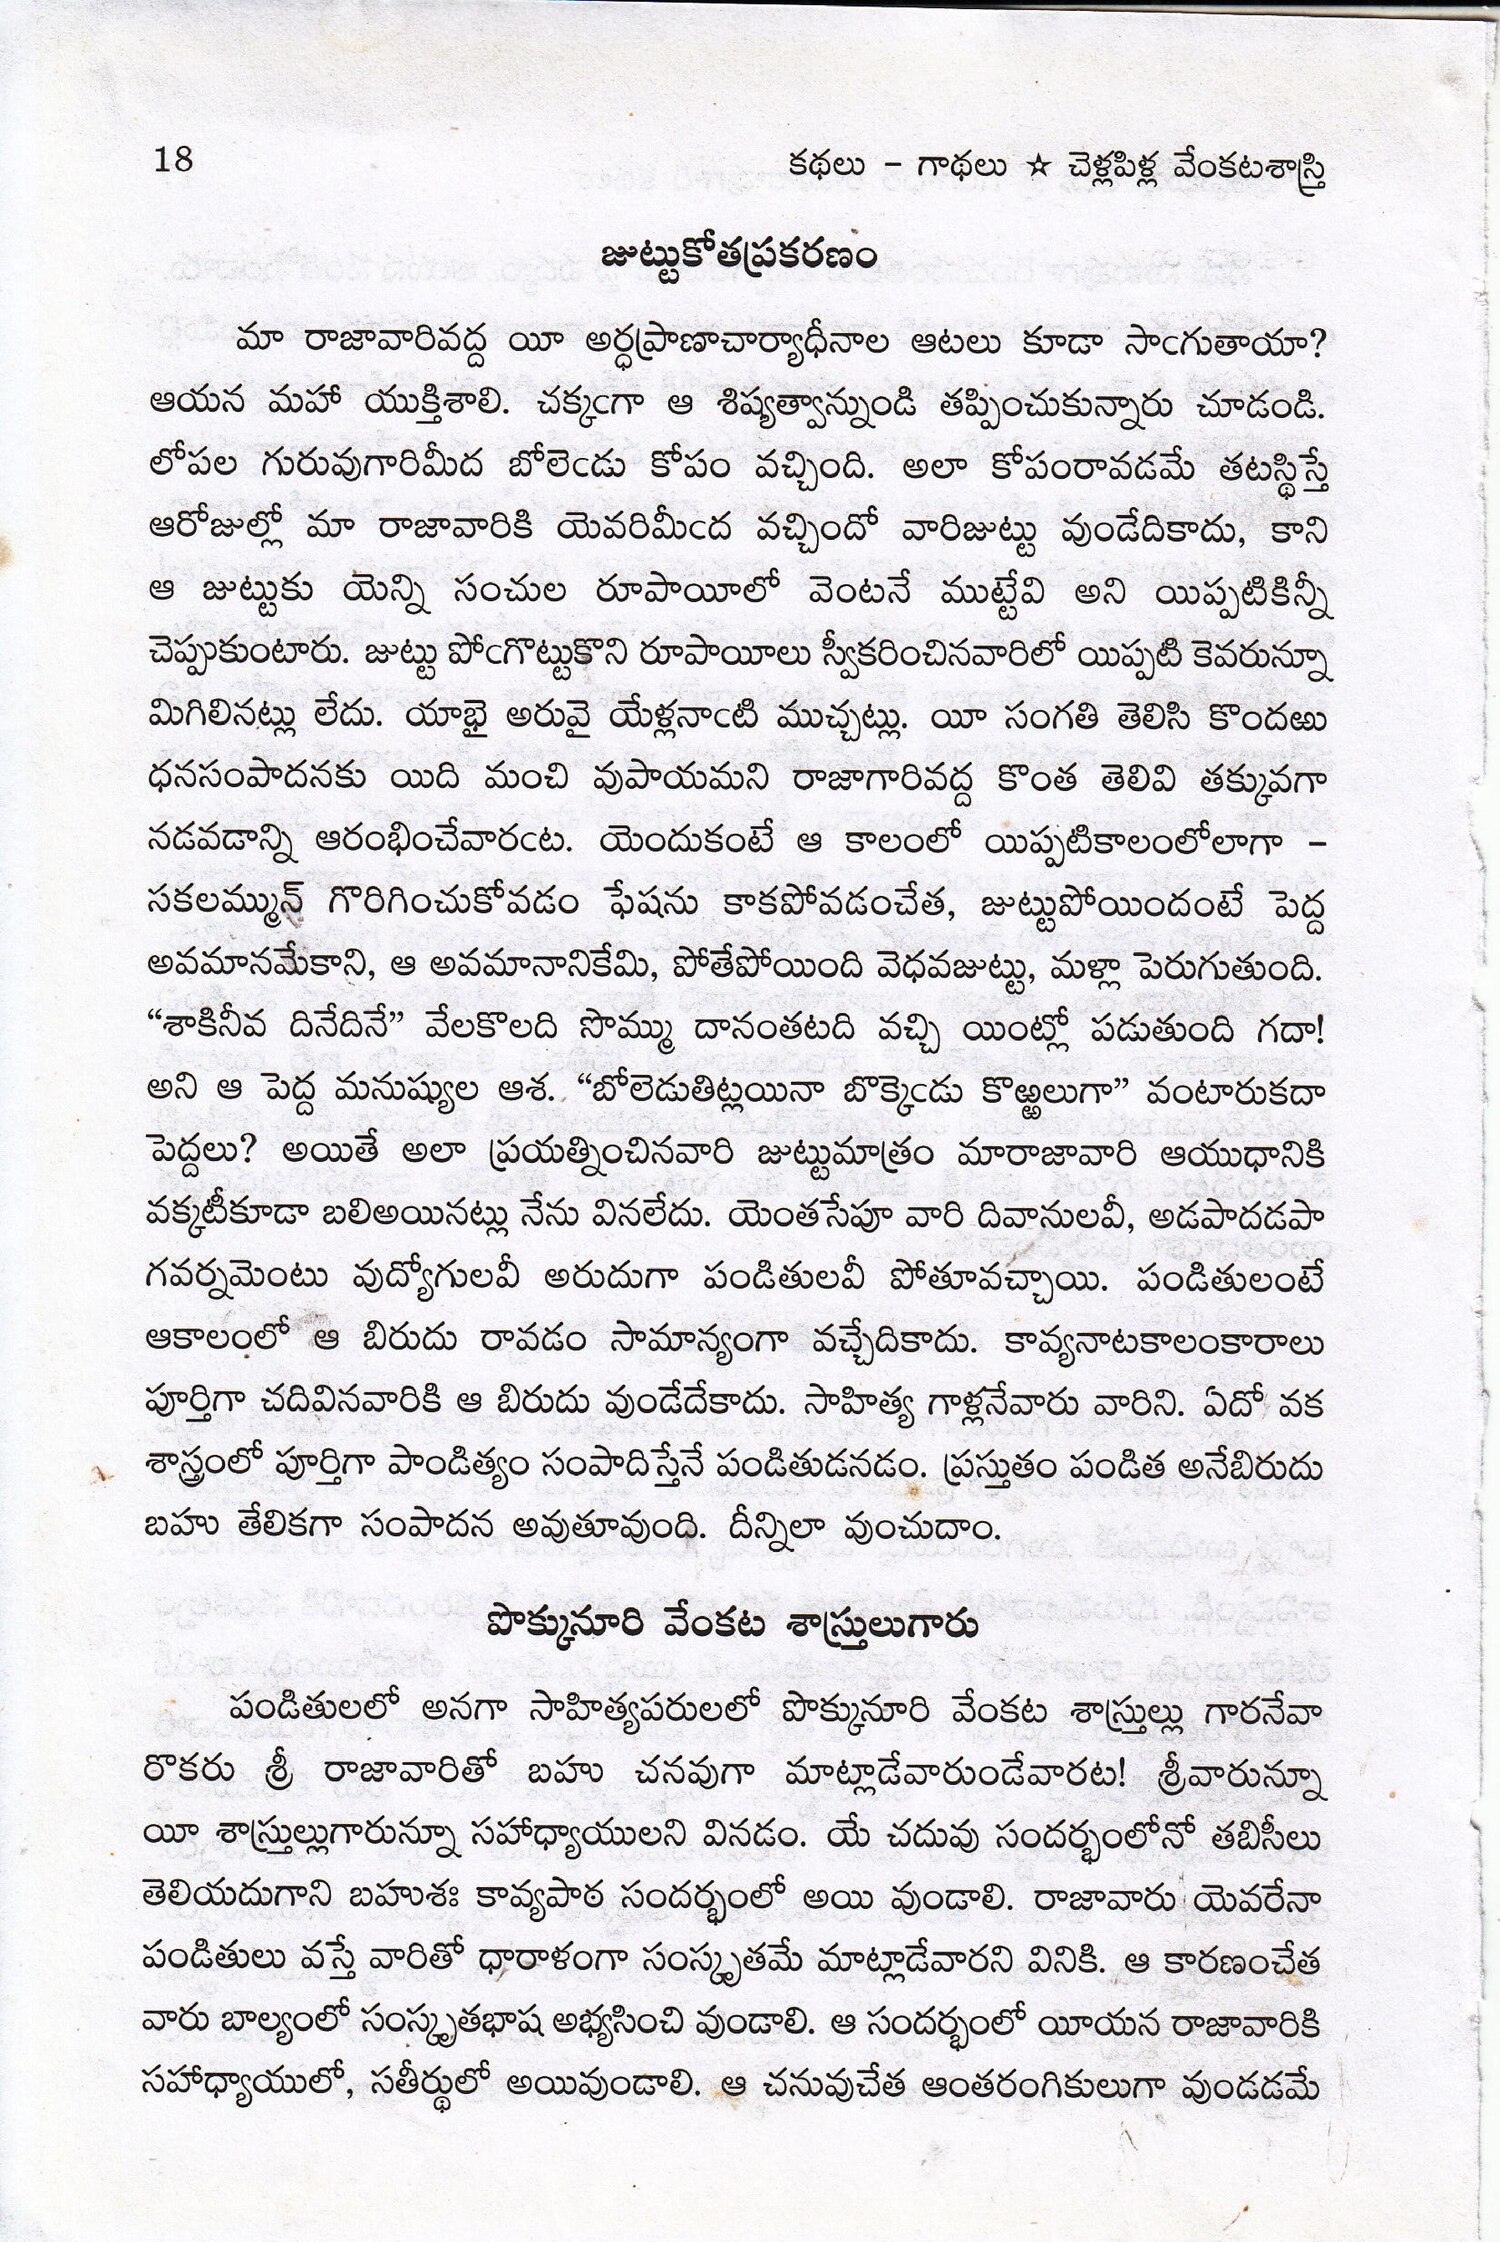మా రాజావారివద్ద యీ అర్ధప్రాణాచార్యాధీనాల ఆటలు కూడా సాఁగుతాయా? ఆయన మహా యుక్తిశాలి. చక్కఁగా ఆ శిష్యత్వాన్నుండి తప్పించుకున్నారు చూడండి. లోపల గురువుగారిమీద బోలెండు కోపం వచ్చిఁది. అలా కోపంరావడమే తటస్థిస్తే ఆరోజుల్లో మా రాజావారికి యెవరిమీఁద వచ్చిందో వారిజుట్టు వుండేదికాదు, కాని ఆ జుట్టుకు యెన్ని సంచుల రూపాయిలో వెంటనే ముట్టేవి అని యిప్పటికిన్నీ చెప్పకుంటారు. జుట్టు పోఁగోట్టుకొని రూపాయిలు స్వీకరించినవారిలో యిప్పటి కెవరున్నూ మిగిలినట్లు లేదు. యాభై అరువై యేళ్లనాఁటి ముచ్చట్లు. యీ సంగతి తెలిసి కొందఱు ధనసంపాదనకు యిది మంచి వుపాయమని రాజాగారివద్ద కొంత తెలివి తక్కువగా నడవడాన్ని ఆరంభించేవారంట. యెందుకంటే ఆ కాలంలో యిప్పటికాలంలోలాగా - సకలమ్మున్ గొరిగించుకోవడం ఫేషను కాకపోవడంచేత, జుట్టుపోయిందంటే పెద్ద అవమానమేకాని, ఆ అవమానానికేమి, పోతేపోయింది వెధవజుట్టు, మళ్లా పెరుగుతుంది. "శాకినీవ దినేదినే" వేలకొలది సొమ్మ దానంతటది వచ్చి యింట్లో పడుతుంది గదా! అని ఆ పెద్ద మనుష్యుల ఆశ. "బోలెడుతిట్లయినా బొక్కెండు కొఱ్ఱలుగా" వంటారుకదా పెద్దలు? అయితే అలా ప్రయత్నించినవారి జుట్టుమాత్రం మారాజావారి ఆయుధానికి వక్కటీకూడా బలిఅయినట్లు నేను వినలేదు. యెంతసేపూ వారి దివానులవీ, అడపాదడపా గవర్నమెంటు వుద్యోగులవీ అరుదుగా పండితులవీ పోతూవచ్చాయి. పండితులంటే ఆకాలంలో ఆ బిరుదు రావడం సామాన్యంగా వచ్చేదికాదు. కావ్యనాటకాలంకారాలు పూర్తిగా చదివినవారికి ఆ బిరుదు వుండేదేకాదు. సాహిత్య గాళ్లనేవారు వారిని. ఏదో వక శాస్త్రంలో పూర్తిగా పాండిత్యం సంపాదిస్తేనే పండితుడనడం. ప్రస్తుతం పండిత అనేబిరుదు బహు తేలికగా సంపాదన అవుతూవుంది. దీన్నిలా వుంచుదాం.

పండితులలో అనగా సాహిత్యపరులలో పొక్కునూరి వేంకట శాస్రుల్లు గారనేవా రొకరు శ్రీ రాజావారితో బహు చనవుగా మాట్లాడేవారుండేవారట! శ్రీవారున్నూ యీ శాస్త్రుల్లుగారున్నూ సహాధ్యాయులని వినడం. యే చదువు సందర్భంలోనో తబిసీలు తెలియదుగాని బహుశః కావ్యపాఠ సందర్భంలో అయి వుండాలి. రాజావారు యెవరేనా పండితులు వస్తే వారితో ధారాళంగా సంస్కృతమే మాట్లాడేవారని వినికి. ఆ కారణంచేత వారు బాల్యంలో సంస్కృతభాష అభ్యసించి వుండాలి. ఆ సందర్భంలో యూయన రాజావారికి సహాధ్యాయులో, సతీర్థులో అయివుండాలి. ఆ చనువుచేత ఆంతరంగికులుగా వుండడమే